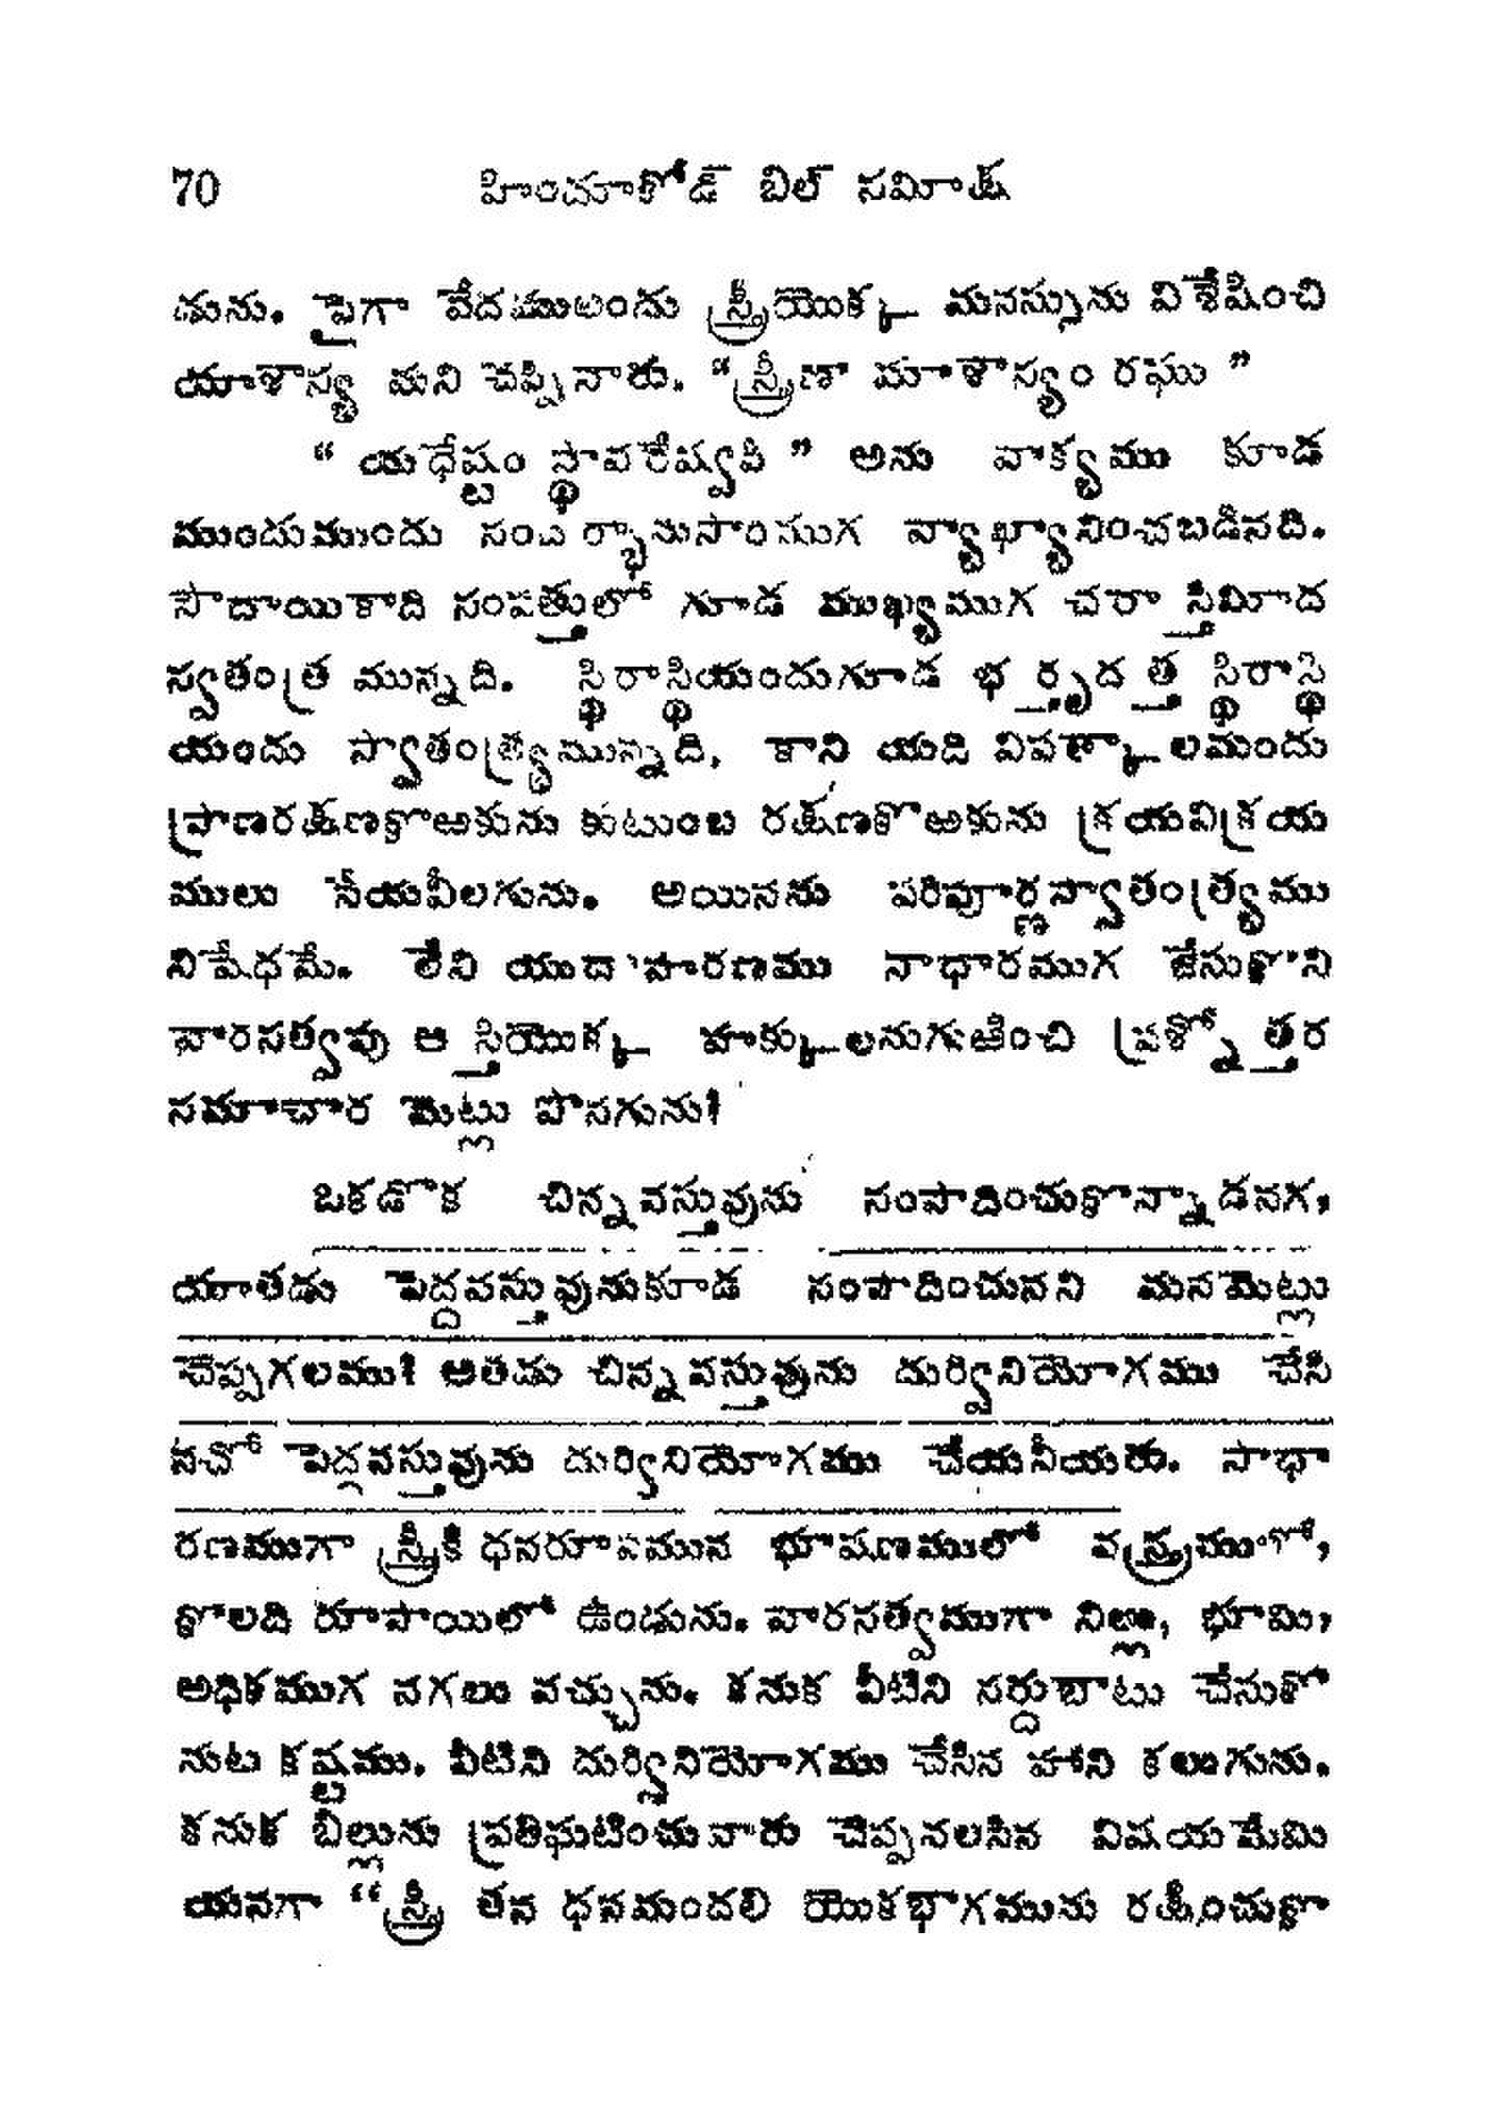డును, పైగా వేదములందు స్త్రీ యొక్క మనస్సును విశేషించి
యాశాస్య మని చెప్పినారు. "స్త్రీణా మాశాస్యం రఘు"
"యధేష్టం స్థావరేష్వపీ " అను వాక్యము కూడ
ముందు ముందు సందర్భానుసారముగ వ్యాఖ్యానించబడినది.
సౌదాయికాది సంపత్తులో గూడ ముఖ్యముగ చరాస్తి మీద
స్వతంత్ర మున్నది. స్థిరాస్తి యందుగూడ భరృదత్త స్థిరాస్తి 
యందు స్వాతంత్య్ర మున్నది. కాని యది విపత్కాలమందు
ప్రాణరక్షణకొఱకును కుటుంబ రక్షణకొఱకును క్రయవిక్రయ
ములు సేయవీలగును. అయినను పరిపూర్ణస్వాతంత్య్రము
నిషేధమే. లేని యుదాహరణము నాధారముగ జేసుకొని
వారసత్వపు ఆస్తి యొక్క హక్కులనుగుఱించి ప్రశ్నోత్తర
సమాచార మెట్లు పొసగును?

ఒకడొక చిన్నవస్తువును సంపాదించుకొన్నాడనగ,
యాతడు పెద్దవస్తువునుకూడ సంపాదించునని మనమెట్లు 
చెప్పగలము! అతడు చిన్న వస్తువును దుర్వినియోగము చేసి
నచో పెద్దవస్తువును దుర్వినియోగము చేయనీయరు. సాధా
రణముగా స్త్రీకి ధనరూపమున భూషణములో వస్త్రములో,
కొలది రూపాయిలో ఉండును. వారసత్వముగా నిల్లు, భూమి,
అధికముగ నగలు వచ్చును. కనుక వీటిని సర్దుబాటు చేసుకొనుట 
కష్టము. వీటిని దుర్వినియోగము చేసిన హాని కలుగును.
కనుక బిల్లును ప్రతిఘటించు వారు చెప్పవలసిన విషయమేమి
యనగా "స్త్రీ తన ధనమందలి యొకభాగమును రక్షించుకొ